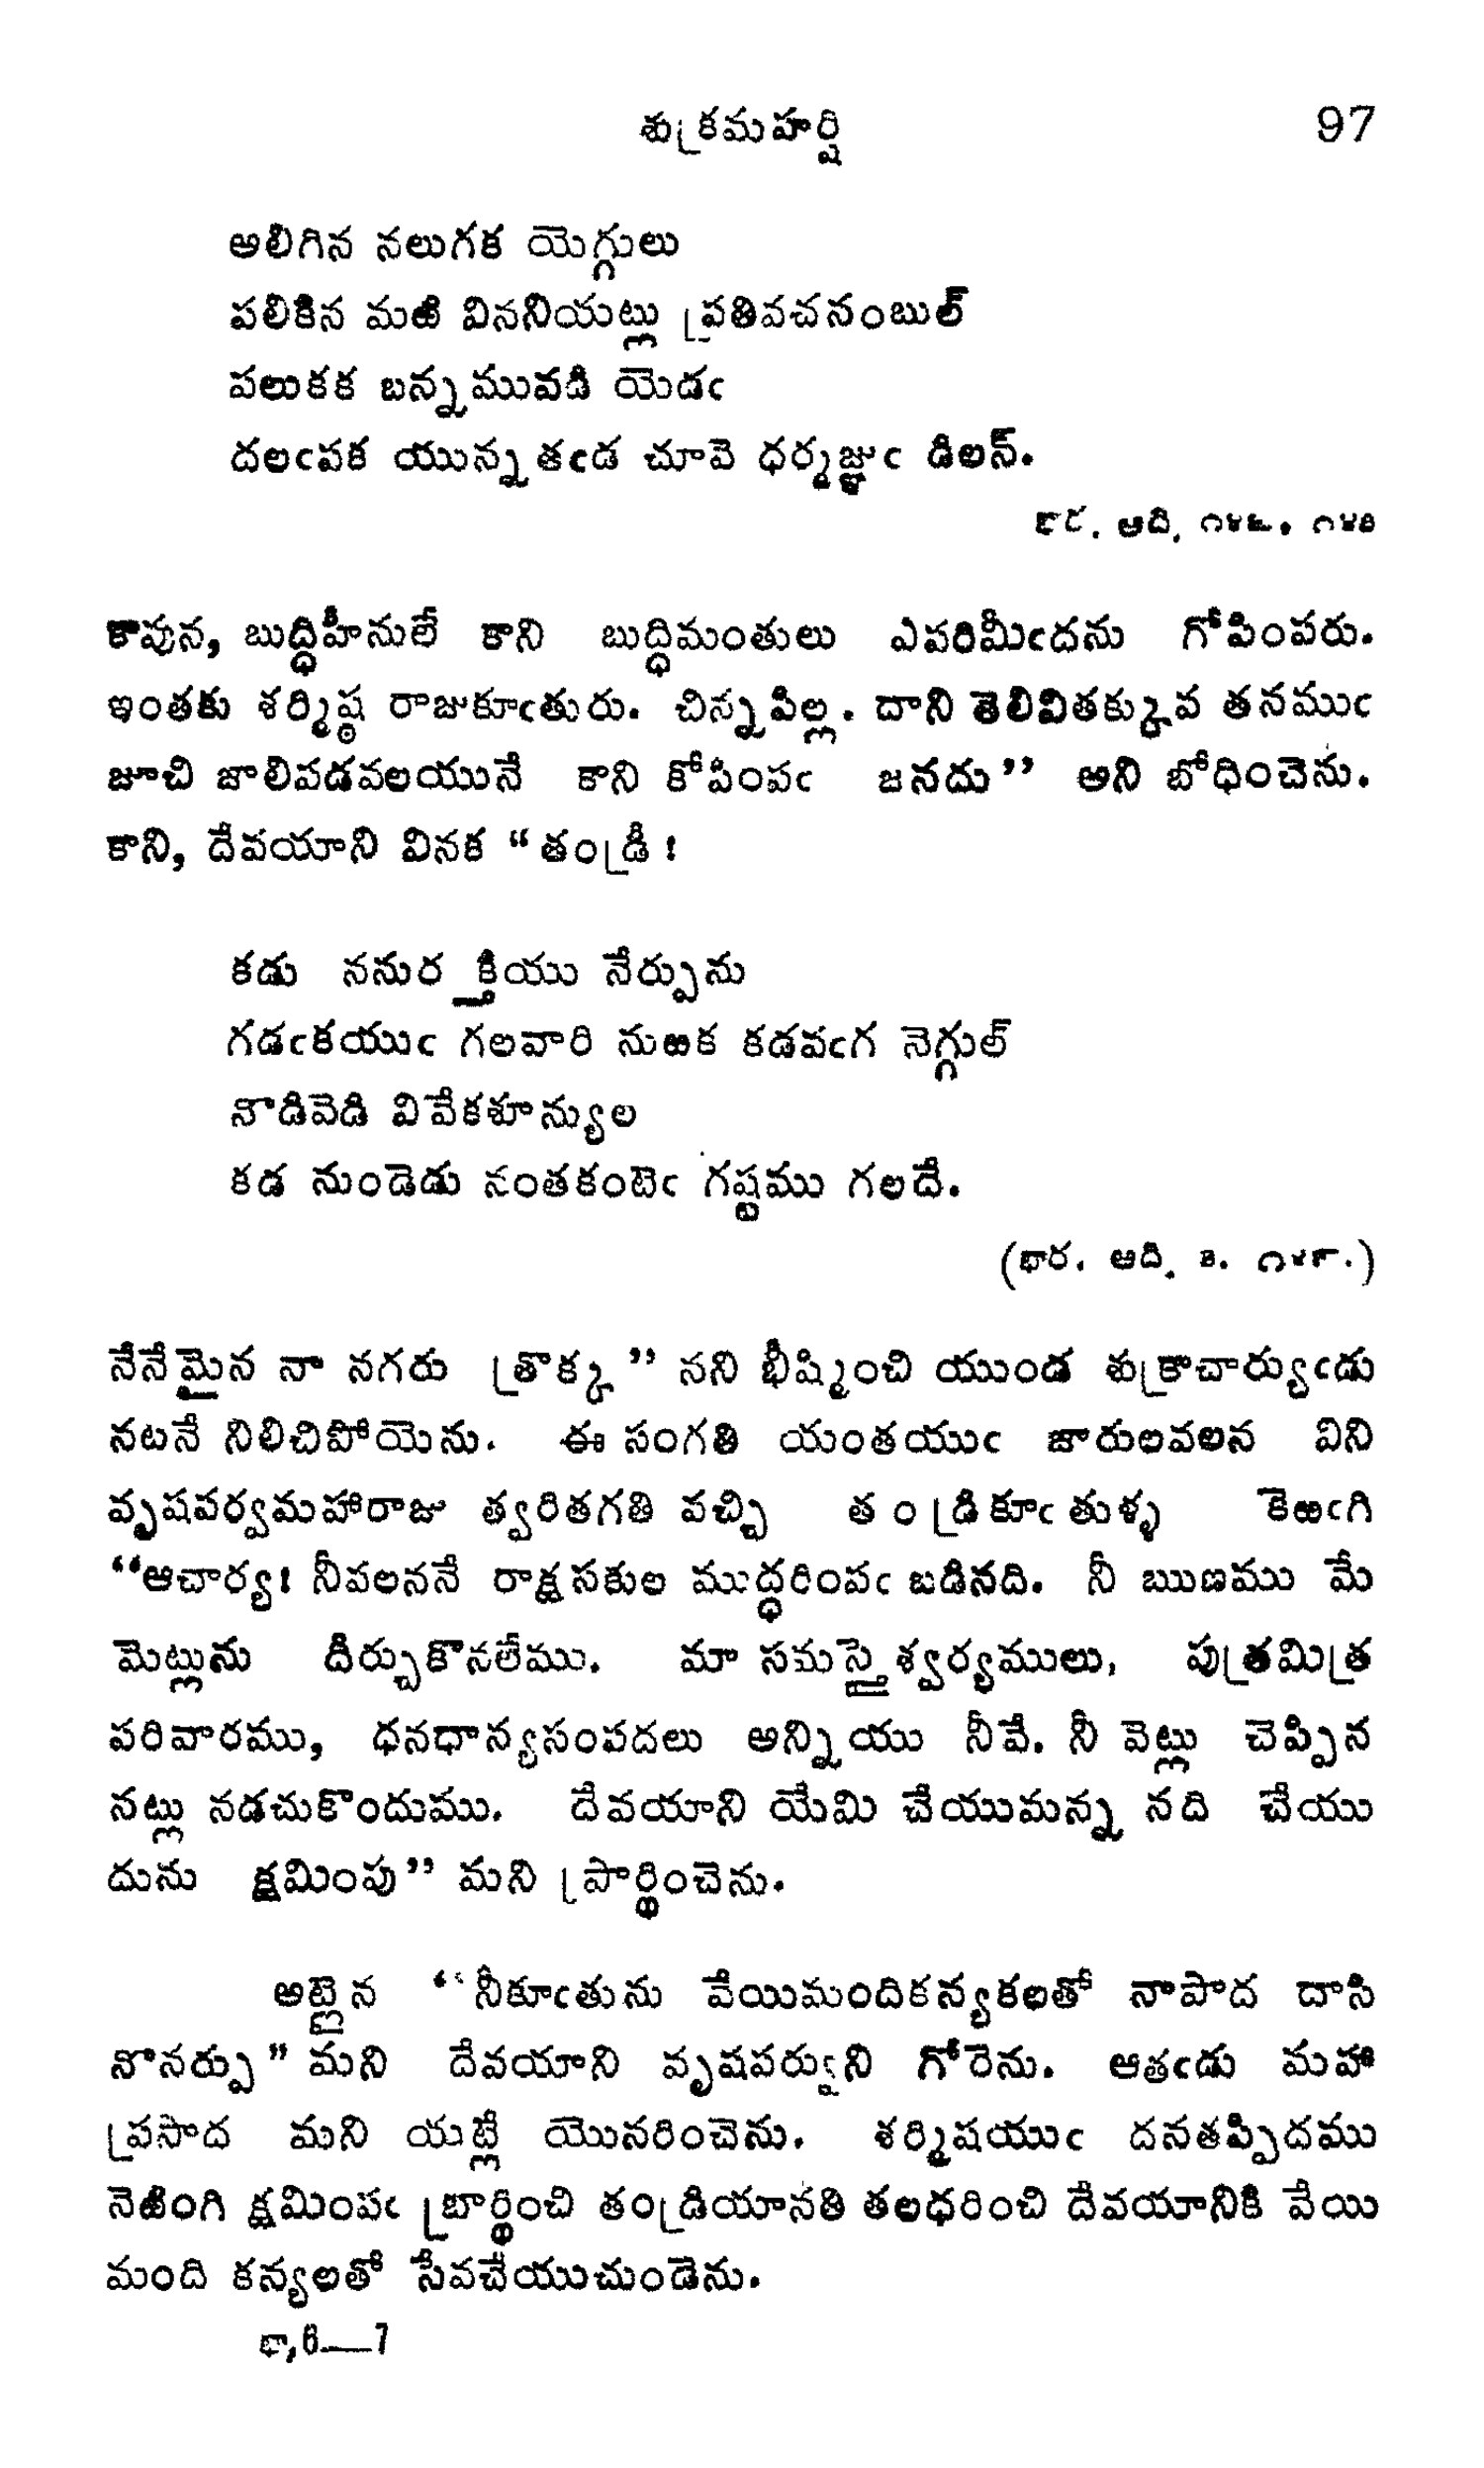అలిగిన నలుగక యెగ్గులు 
పలికిన మఱి విననియట్లు ప్రతివచనంబుల్ 
పలుకక బన్నమువడి యెడఁ 
దలఁపక యున్న తఁడ చూవె ధర్మజ్ఞుఁ డిలన్.
 భార. ఆది. 146, 147.
కావున, బుద్ధిహీనులే కాని బుద్ధిమంతులు ఎవరిమీఁదను గోపింపరు. ఇంతకు శర్మిష్ఠ రాజుకూఁతురు. చిన్నపిల్ల . దాని తెలివితక్కువ తనముఁ జూచి జాలిపడవలయునే కాని కోపింపఁ జనదు" అని బోధించెను. కాని, దేవయాని వినక " తండ్రీ !

కడు ననురక్తియు నేర్పును 
గడఁకయుఁ గలవారి నుఱక కడవఁగ నెగ్గుల్ 
నొడివేడి వివేకశూన్యుల 
కడ నుండెడు నంతకంటెఁ గష్టము గలదే.
 (భార. ఆది. 3. 149) 
నేనేమైన నా నగరు తొక్క" నని భీష్మించి యుండ శుక్రాచార్యుఁడు నటనే నిలిచిపోయెను. ఈ సంగతి యంతయుఁ జారులవలన విని వృషపర్వమహారాజు త్వరితగతి వచ్చి తండ్రికూఁ తుళ్ళ కెఱఁగి “ఆచార్య! నీవలననే రాక్షసకుల ముద్దరింపఁ బడినది. నీ ఋణము మే మెట్లును దీర్చుకొనలేము. మా సమస్తైశ్వర్యములు, పుత్రమిత్ర పరివారము, ధనధాన్యసంపదలు అన్నియు నీవే. నీ వెట్లు చెప్పిన నట్లు నడచుకొందుము. దేవయాని యేమి చేయుమన్న నది చేయుదును క్షమింపు” మని ప్రార్థించెను.

అట్లైన "నీకూఁతును వేయిమందికన్యకలతో నాపాద దాసి నొనర్పు" మని దేవయాని వృషపర్వుని గోరెను. ఆతఁడు మహాప్రసాద మని యట్లే యొనరించెను. శర్మిషయుఁ దనతప్పిదము నెఱింగి క్షమింపఁ బ్రార్థించి తండ్రియానతి తలధరించి దేవయానికి వేయిమంది కన్యలతో సేవచేయుచుండెను.